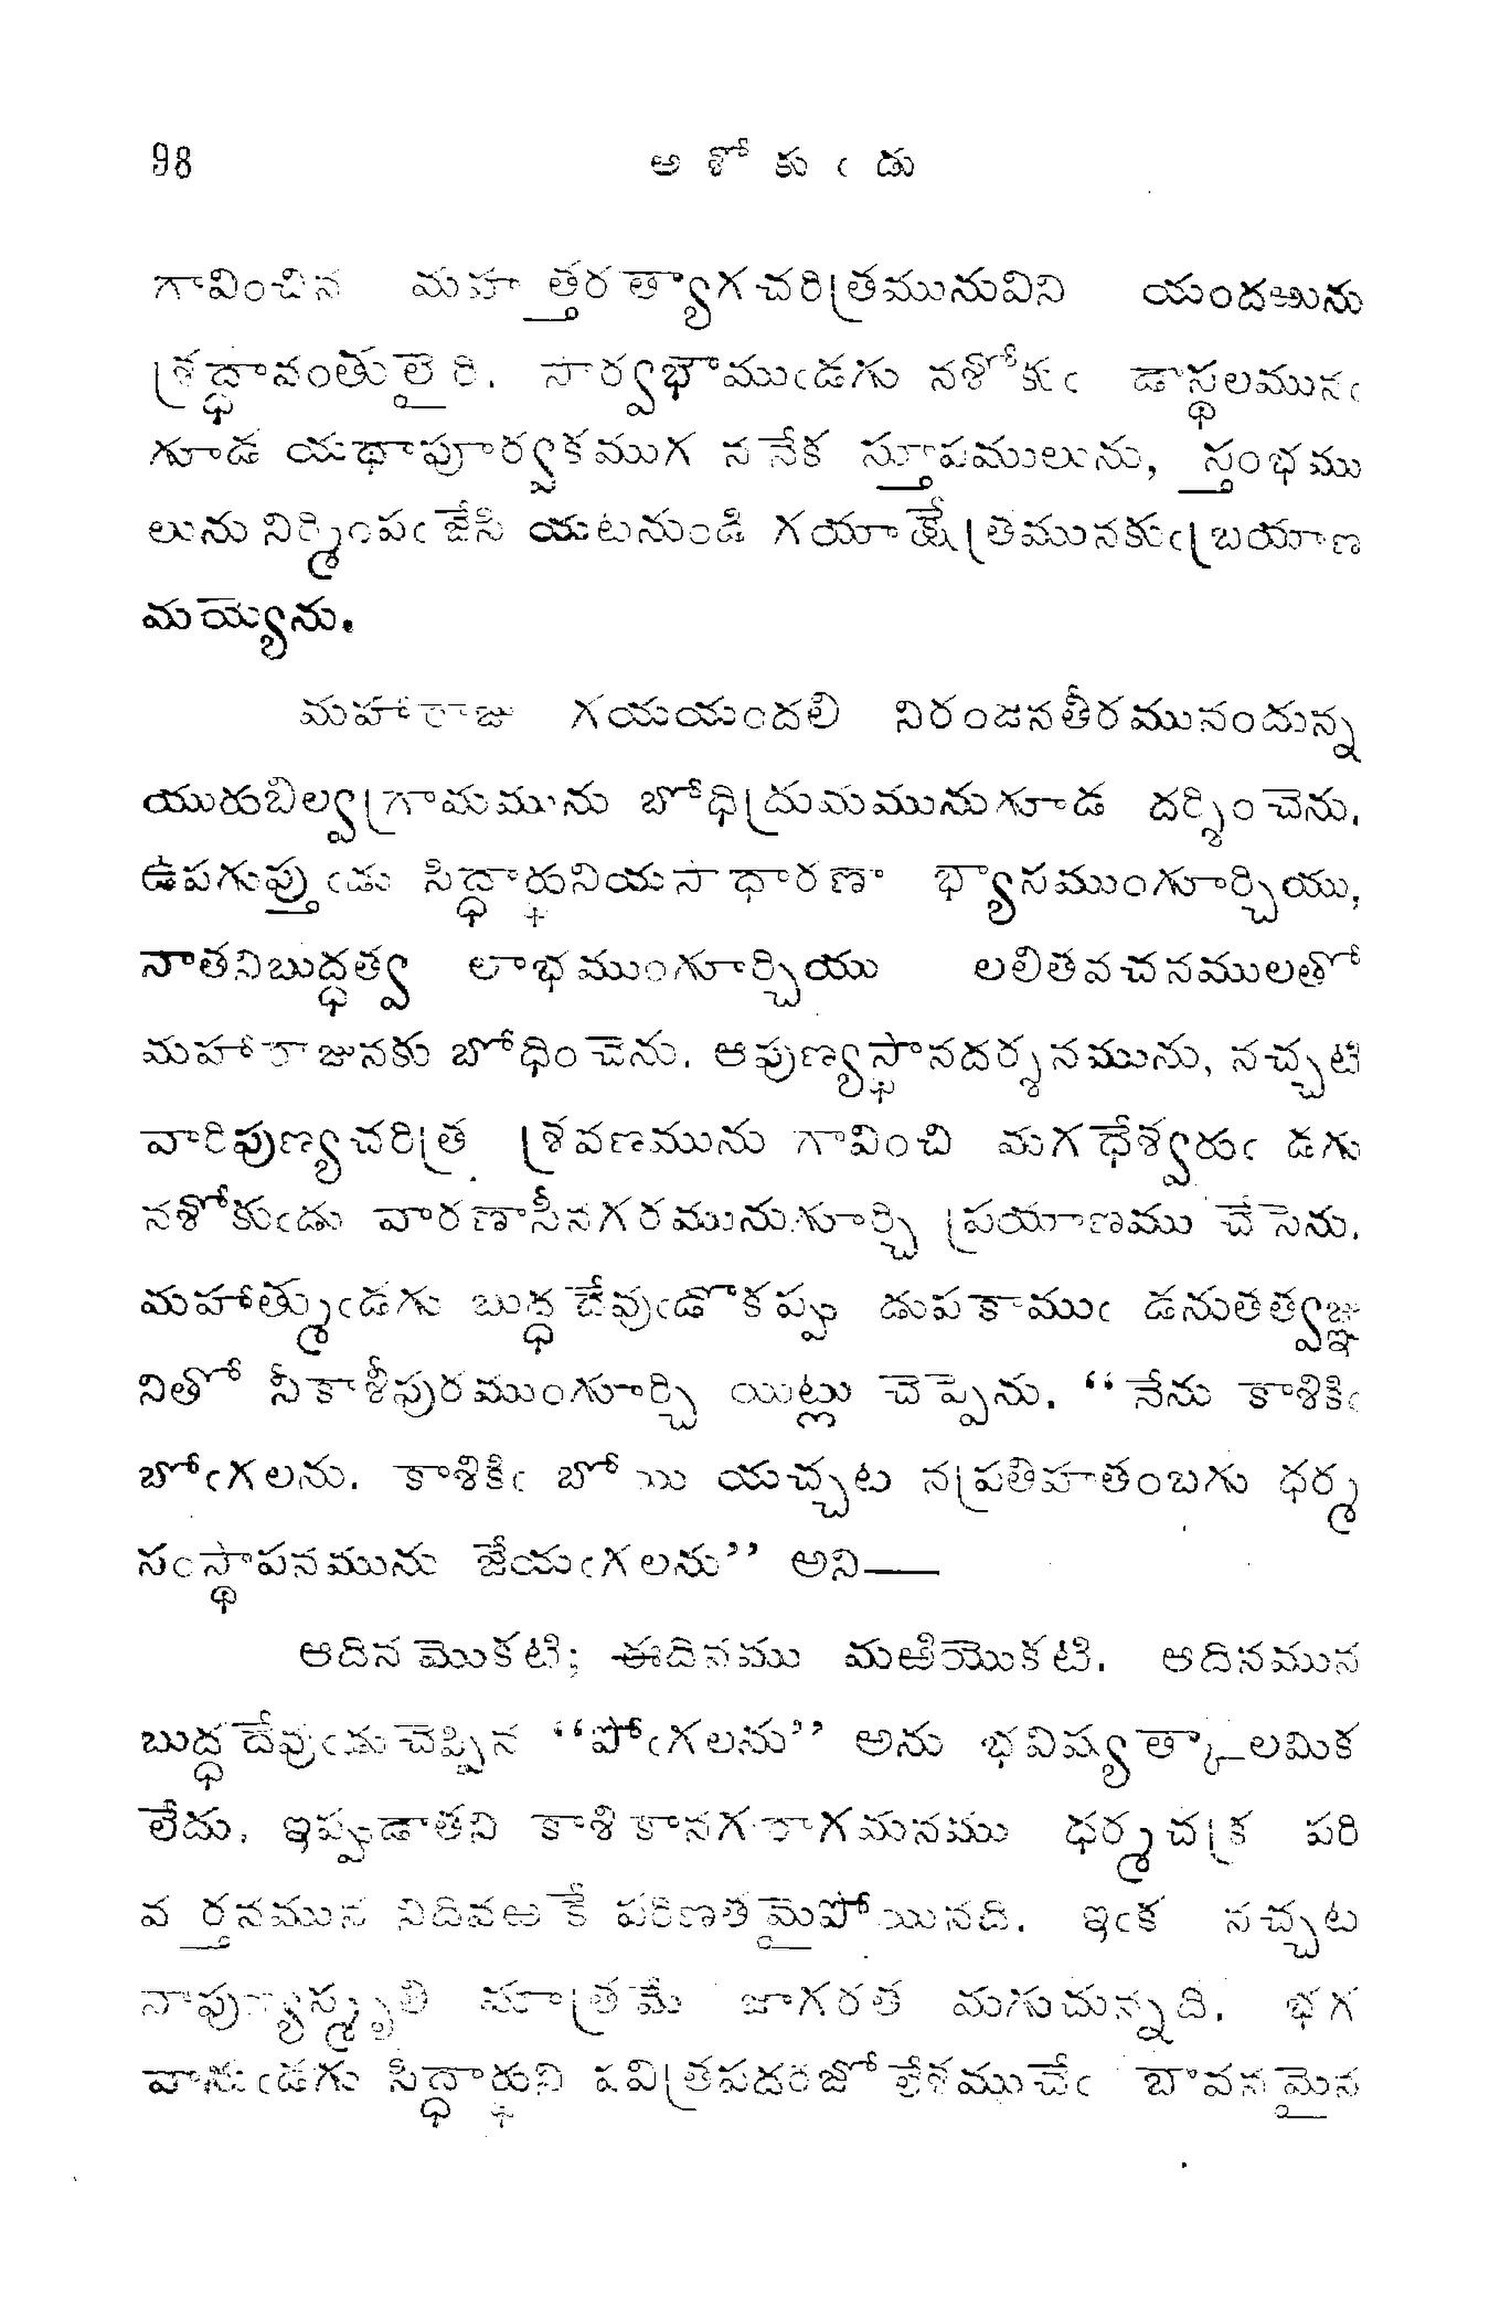గావించిన మహత్తర త్యాగ చరిత్రమునువిని యందఱును శ్రద్ధావంతులైరి. సార్వభౌముఁడగు నశోకుఁ డాస్థలమునఁ గూడ యథాపూర్వకముగ ననేక స్తూపములును, స్తంభములును నిర్మింపఁ జేసి యటనుండి గయా క్షేత్రమునకుఁ బ్రయాణమయ్యెను.

మహా రాజు గయయందలి నిరంజన తీరమునందున్న యురుబిల్వ గ్రామము ను బోధిద్రుమమునుగూడ దర్శించెను. ఉపగుప్తుఁడు సిద్ధార్థునియసాధారణా భ్యాసముంగూర్చియు, 
నాతని బుద్ధత్వ లాభముం గూర్చియు లలితవచనములతో మహా రాజునకు బోధించెను. ఆ పుణ్యస్థానదర్శనమును, నచ్చటి వారి పుణ్య చరిత్ర శ్రవణమును గావించి మగధేశ్వరుఁ డగు
నశోకుఁడు వారణాసీనగరమును గూర్చి ప్రయాణము చేసెను. మహాత్ముఁడగు బుద్ధ దేవుడొకప్పు డుప కాముఁ డనుతత్వజ్ఞునితో నీ కాశీపురముంగూర్చి యిట్లు చెప్పెను. " నేను కాశికి!
బోఁగలను. కాశికిఁ బోయి యచ్చట నప్రతిహతంబగు ధర్మసంస్థాపనమును జేయఁగలను” అని——

ఆదినమొకటి: ఈదినము మఱియొకటి. ఆదినమున బుద్ధ దేవుఁడు చెప్పిన “పోఁగలను” అను భవిష్య త్కాలమిక లేదు. ఇప్పుడాతని కాశీ కానగరాగమనము ధర్మచక్ర పరి వర్తనమున నిదివఱకే పరిణత మైపోయినది. ఇంక నచ్చట నాపుణ్య స్మృతి మాత్రమే జాగరత మగుచున్నది. భగవానుఁడగు సిద్ధారుని పవిత్రపదరిజో లేశము చేఁ భావనమైన